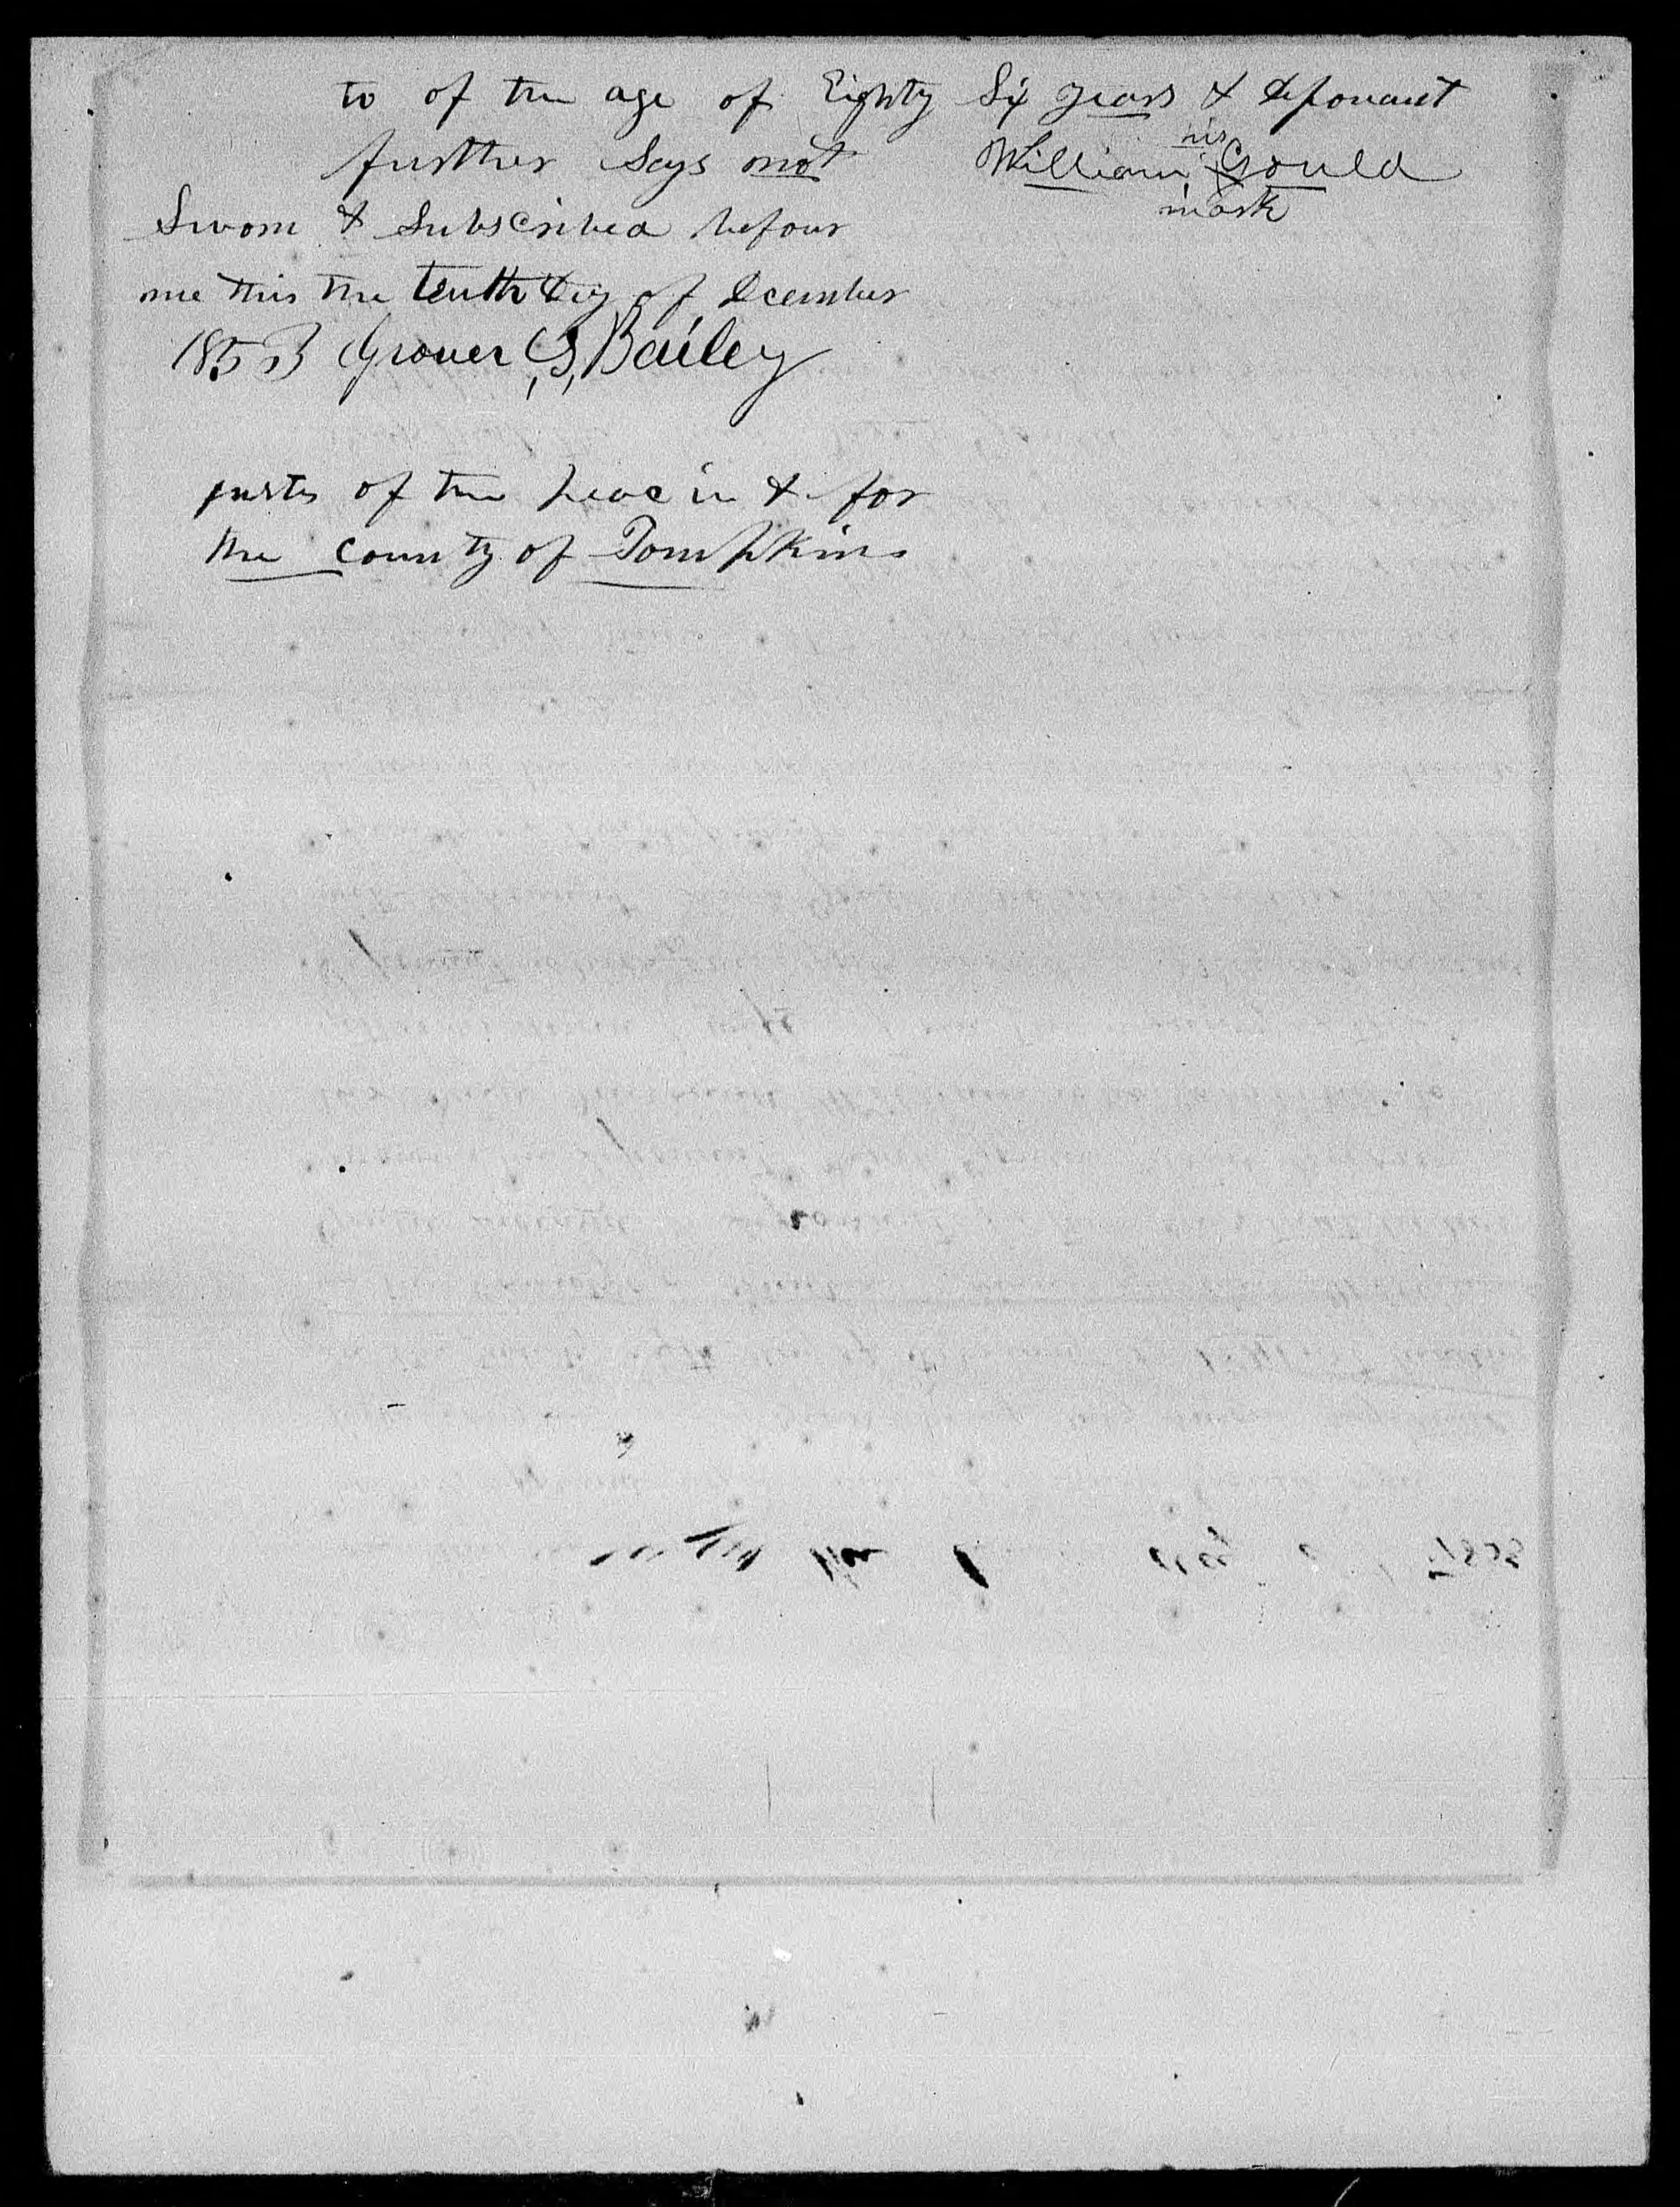of the age of Eighty Six years & deponant further say not

William Gould [his mark]

Sworn & subscribed before me this the tenth day of December 1853 Grover S Bailey

Justice of the Peace in & for the County of Tompkins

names: William Gould, Grover S Bailey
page: 7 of 20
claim: rejected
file: R. 4,161, William Gould, New York